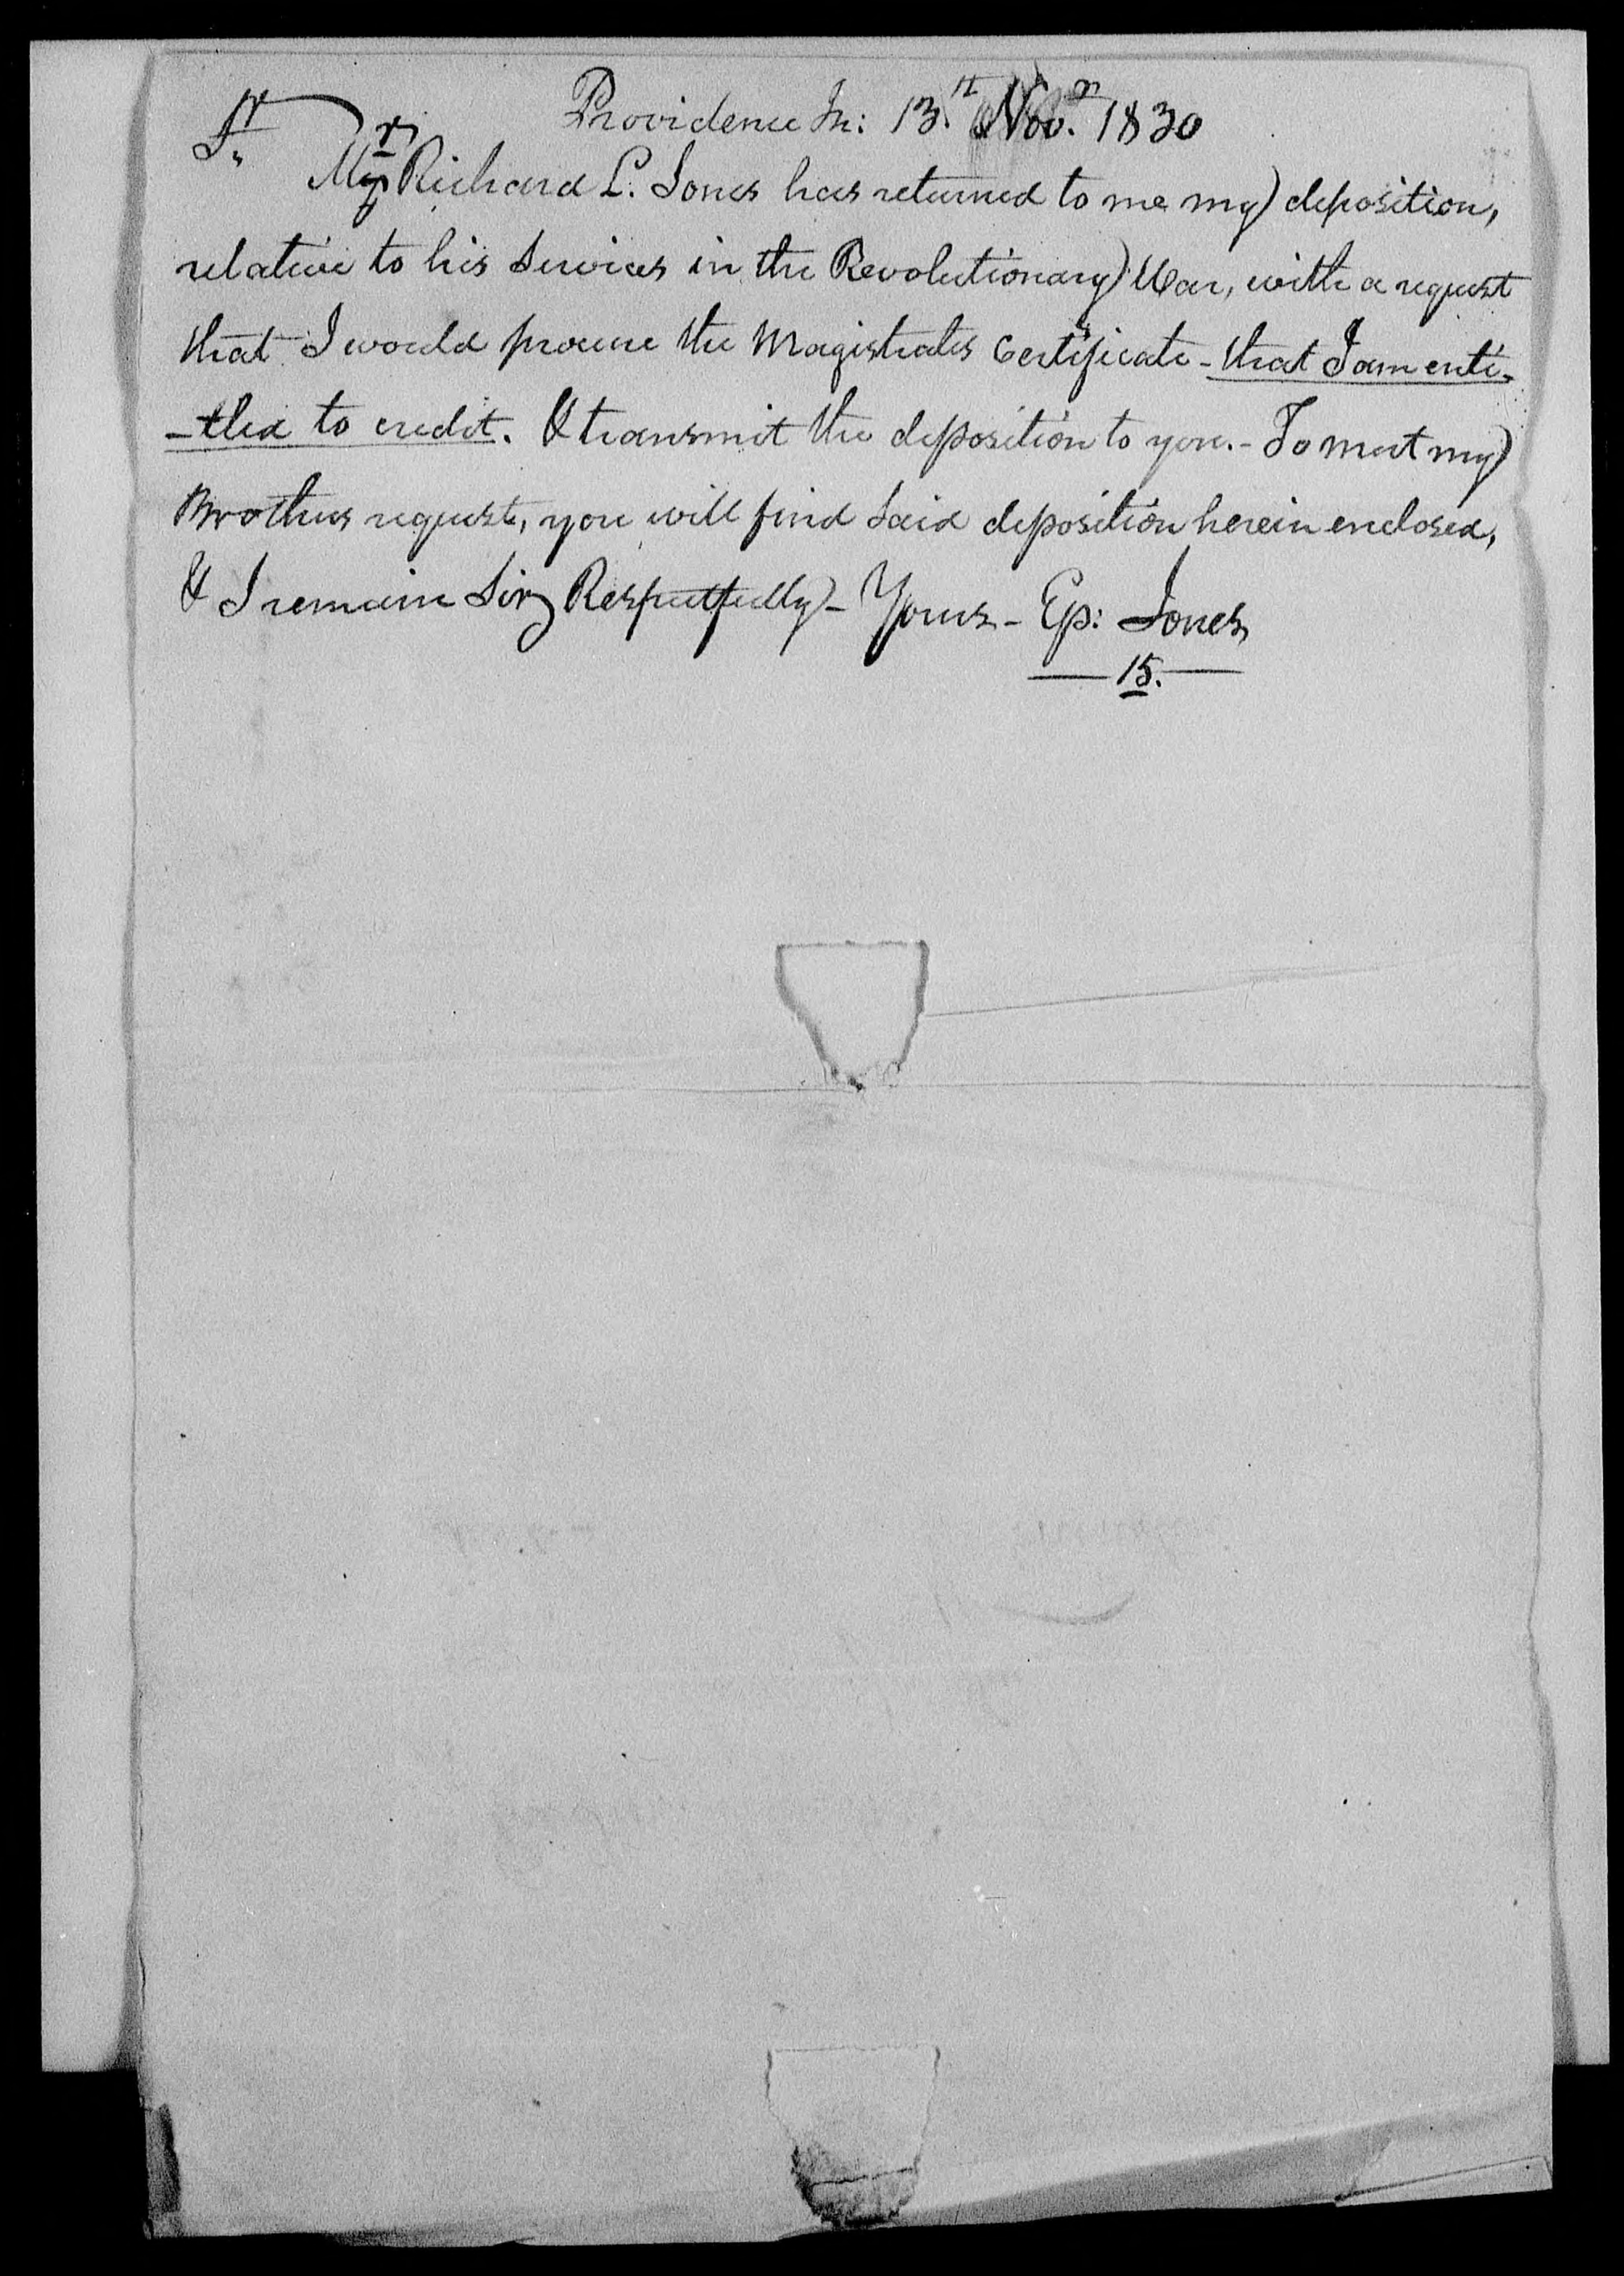Providence In:f 13th Novr 1830
Sr
Mst Richard L. Jones has returned to me my deposition
relative to his services in the Revolutionary War, with a request
that I would procure the magistrates Certificate, that I am entitled to credit. I transmit the deposition to you. To meet my
Brothers request, you will find said deposition herein enclosed,
& I remain Sir Respectfully, yours-- Ep. Jones
15.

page: 49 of 62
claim: widow's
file: W. 765, for Richard L Jones, Connecticut